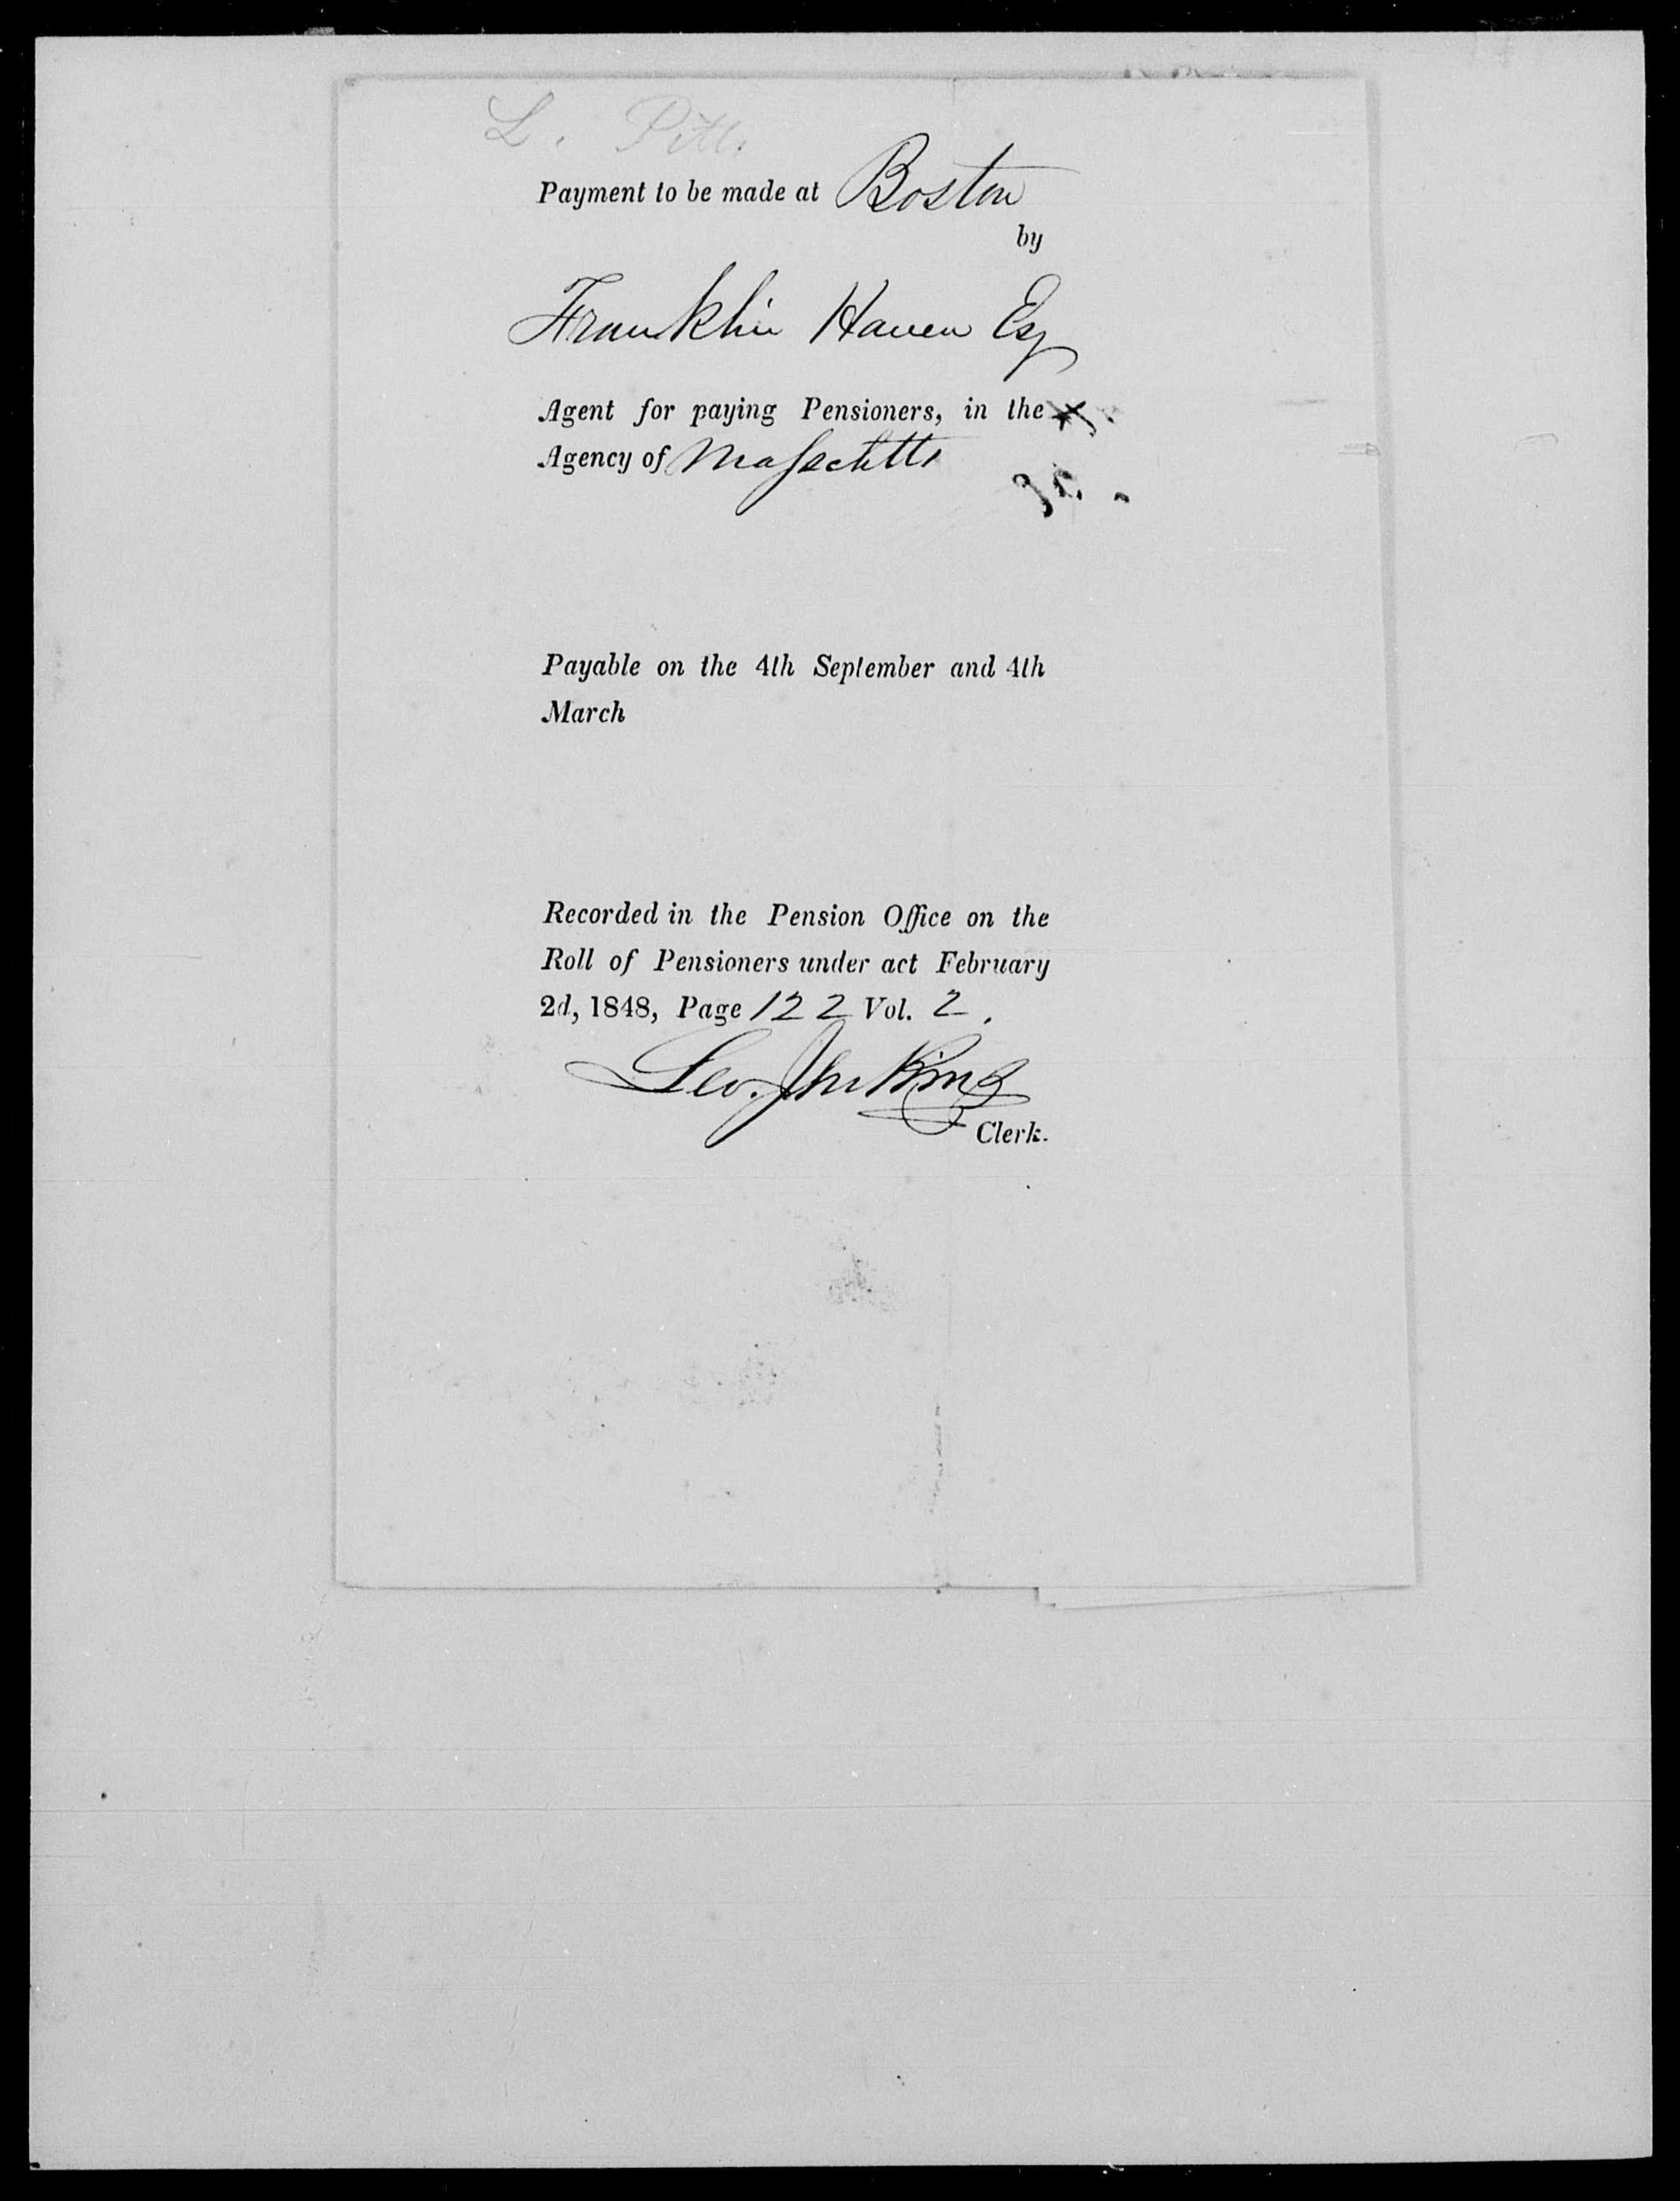L. Pitts
Payment to be made at Boston
by Franklin Haven Esq
Agent for paying Pensioners, in the
Agent for paying Pensioners, in the
Agency of Massachusetts
Payable on the 4th September and 4th
March
Recorded in the Pension Office on the
Roll of Pensioners under act February
2d, 1848, Page 122 Vol. 2
Leo Jenkins
Clerk
,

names: Leo Jenkins; L Pitts; Franklin Haven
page: 32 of 54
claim: widow's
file: W. 26,897, for George Pitts, Massachusetts